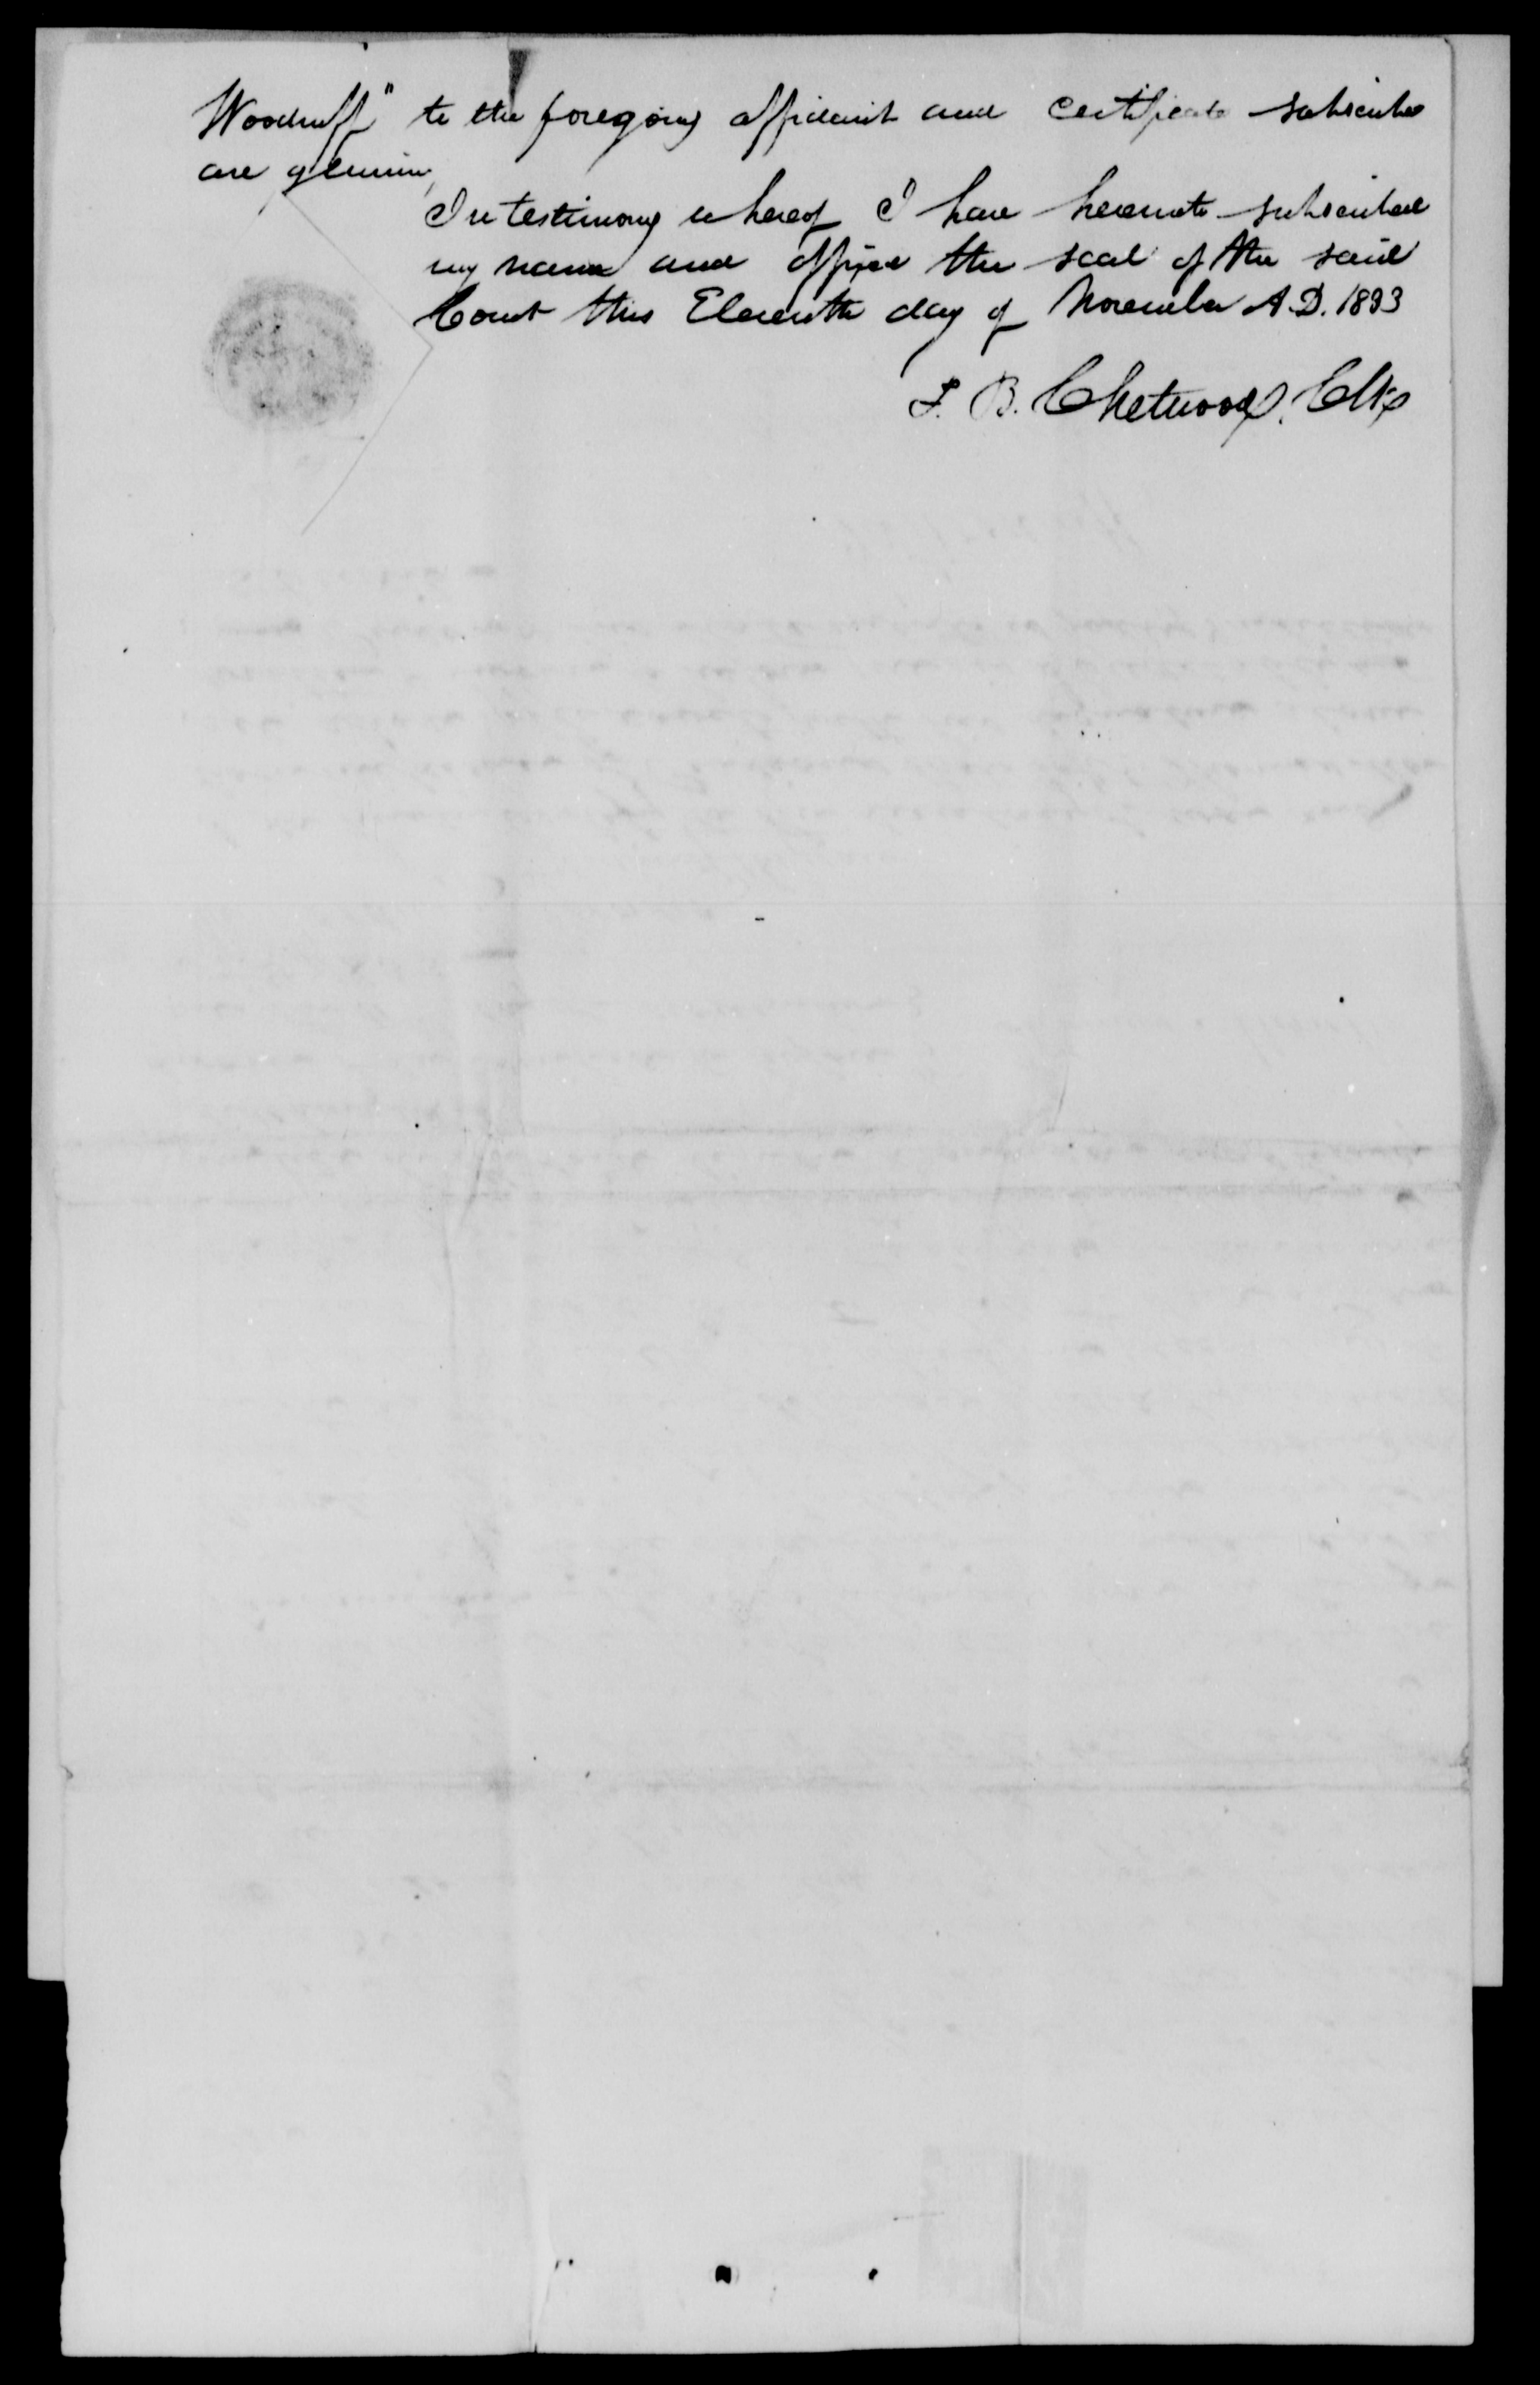Woodruff to the foregoing affidavit and certificate subscribed are genuine

In testimony whereof I have hereunto subscribed my name and affixed the seal of the said Court this Eleventh day of November A.D. 1833
F.B. Chetwood Clk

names: F B Chetwood; [BLANK] Woodruff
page: 30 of 30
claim: survivor's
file: S. 1104, for Simon Simonson, New Jersey